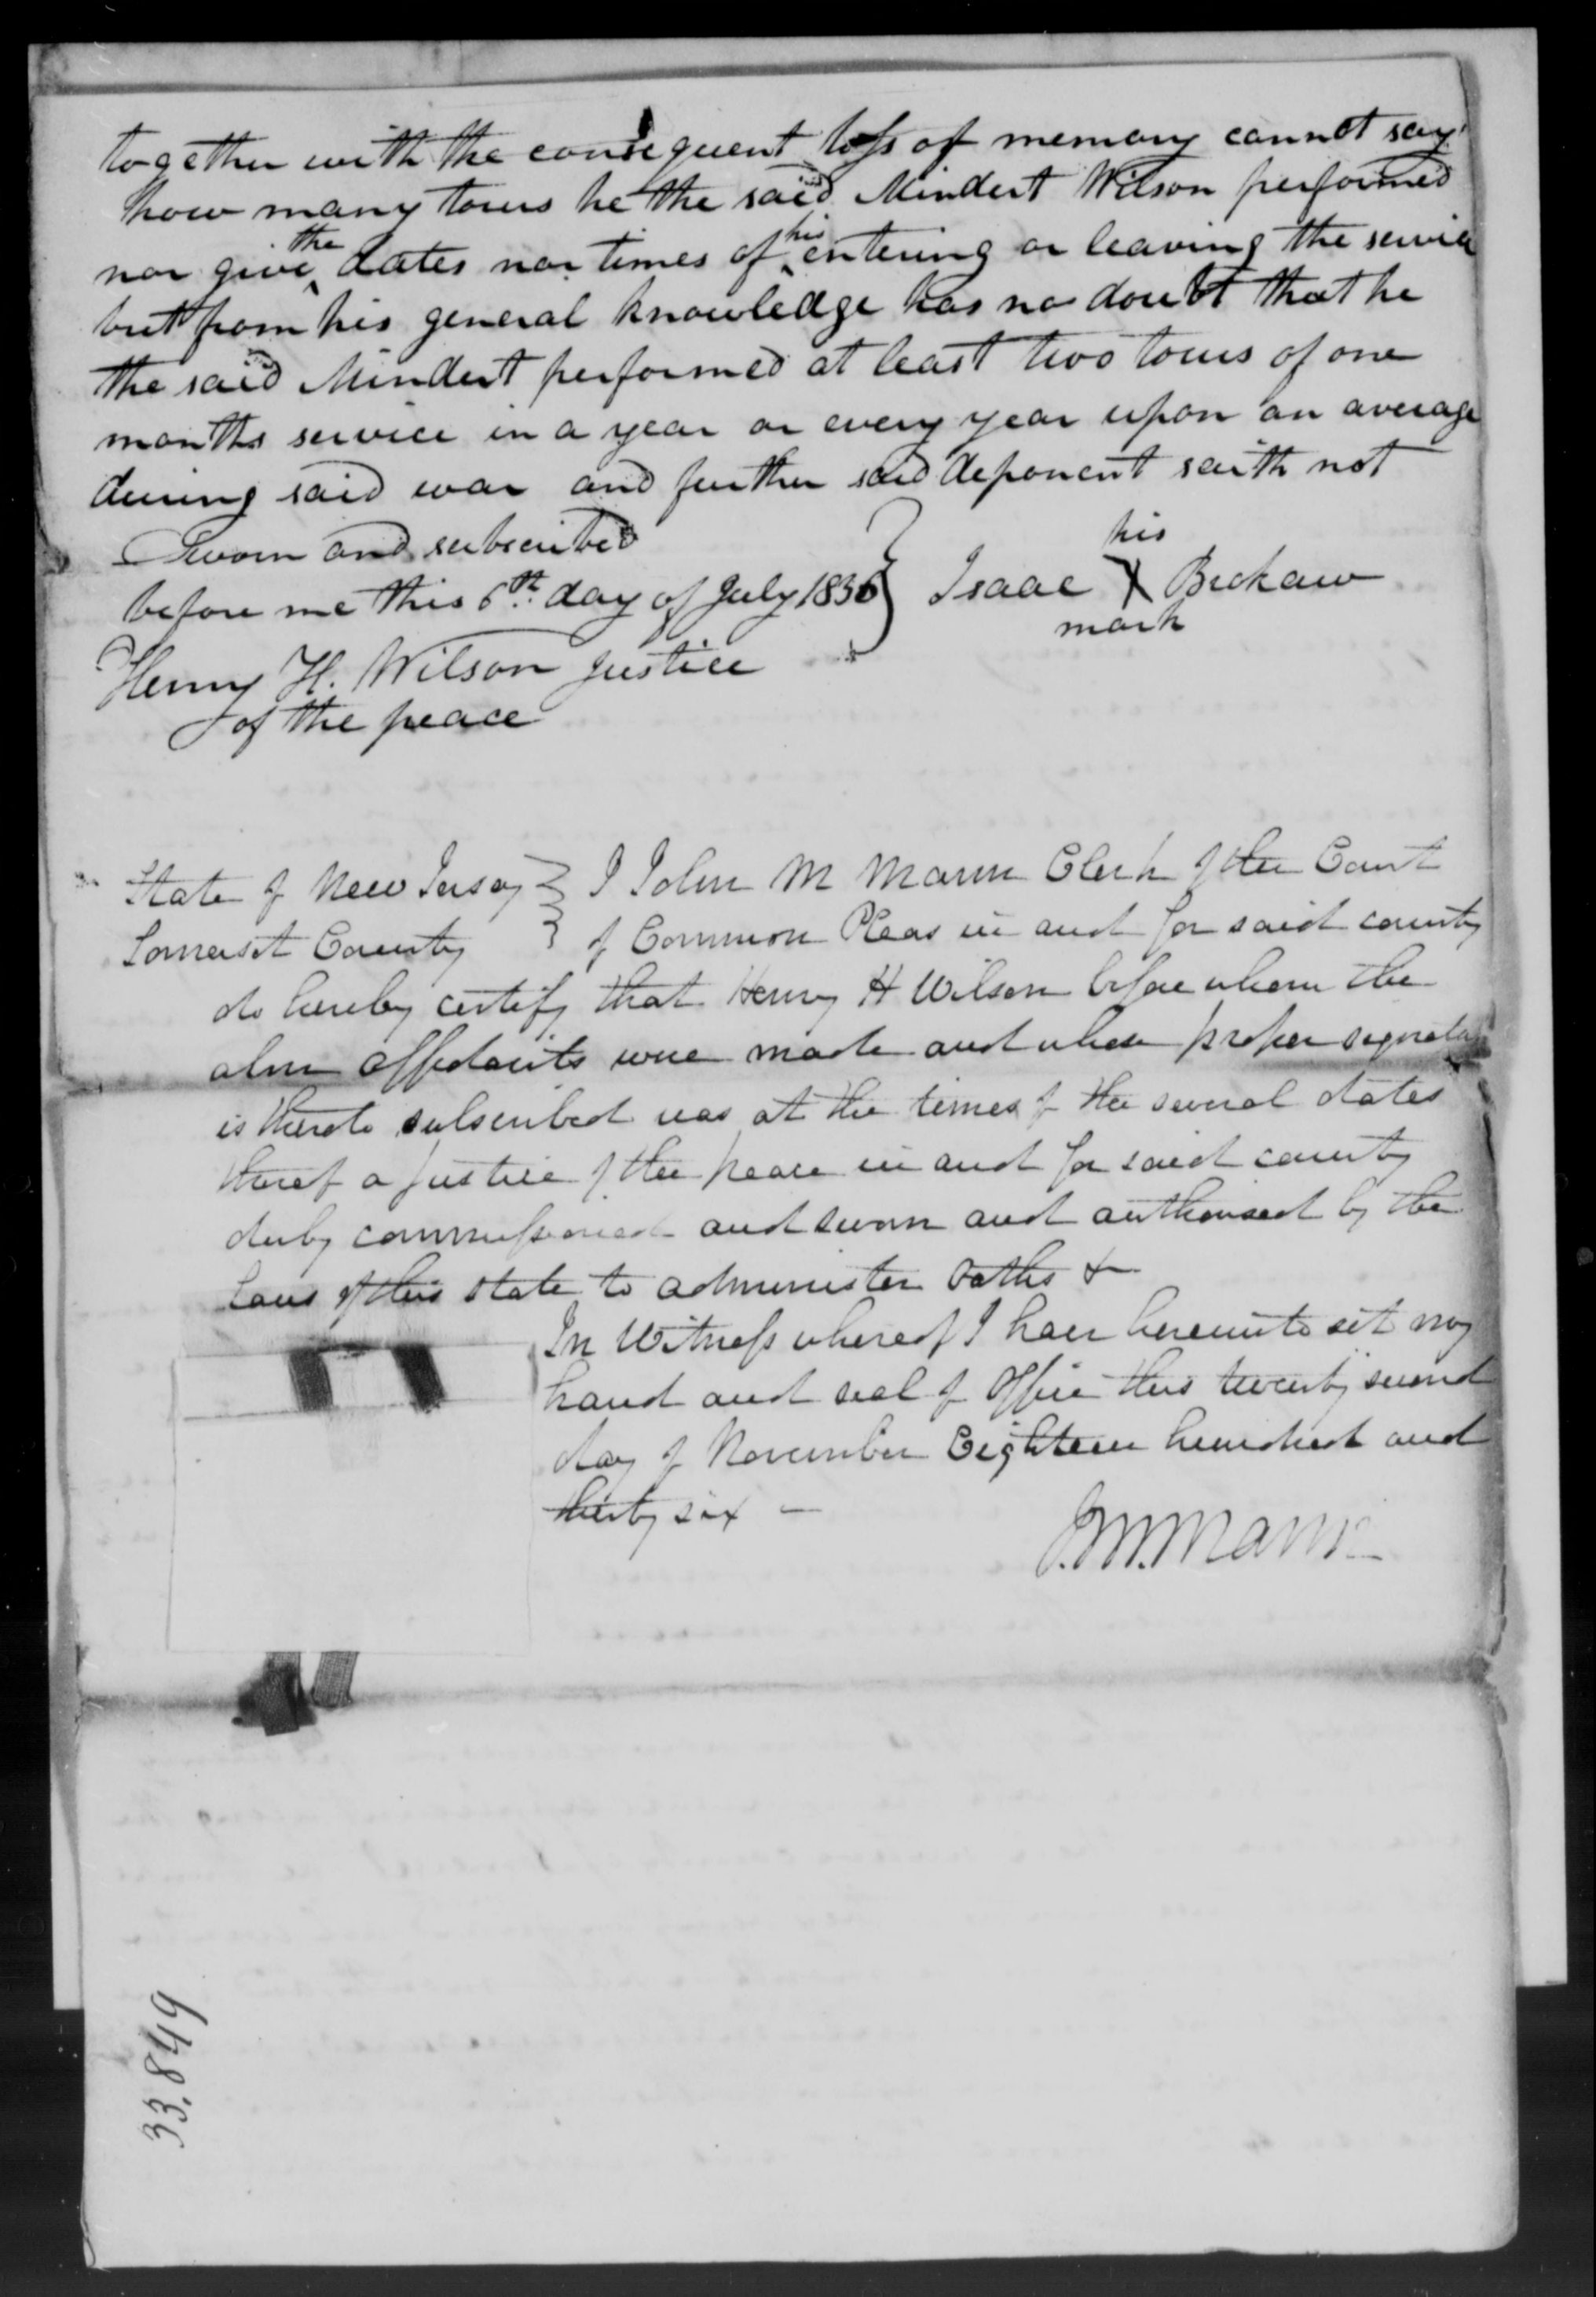together with the consequent loss of memory cannot say how many tours he the said Mindert Wilson performed nor give the dates nor times of ^his entering or leaving the service but from his general knowledge has no doubt that he the said Mindert performed at least two tours of one months service in a year or every year upon an average during said war and further said deponent saith not

Isaac Brokaw X his mark

Sworn and subscribed before me this 6th day of July 1836

Henry H. Wilson Justice of the peace

State of New Jersey
Somerset County }

I John M Mann Clerk of the Court of Common Pleas in and for said County do hereby certify that Henry H Wilson before whom the above affidavits were made and whose proper signature is thereto subscribed was at the times of the several dates thereof a Justice of the peace in and for said county duly commissioned and sworn and authorized by the Laws of this state to administer Oaths &c

In Witness whereof I have hereunto set my hand and seal of Office this twenty second day of November Eighteen hundred and thirty six.

J. M. Mann

[written vertically in left margin] 33,849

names: Henry H Wilson, John M Mann, Isaac Brokaw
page: 35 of 40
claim: survivor's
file: S. 3564, Mindart Wilson, New Jersey